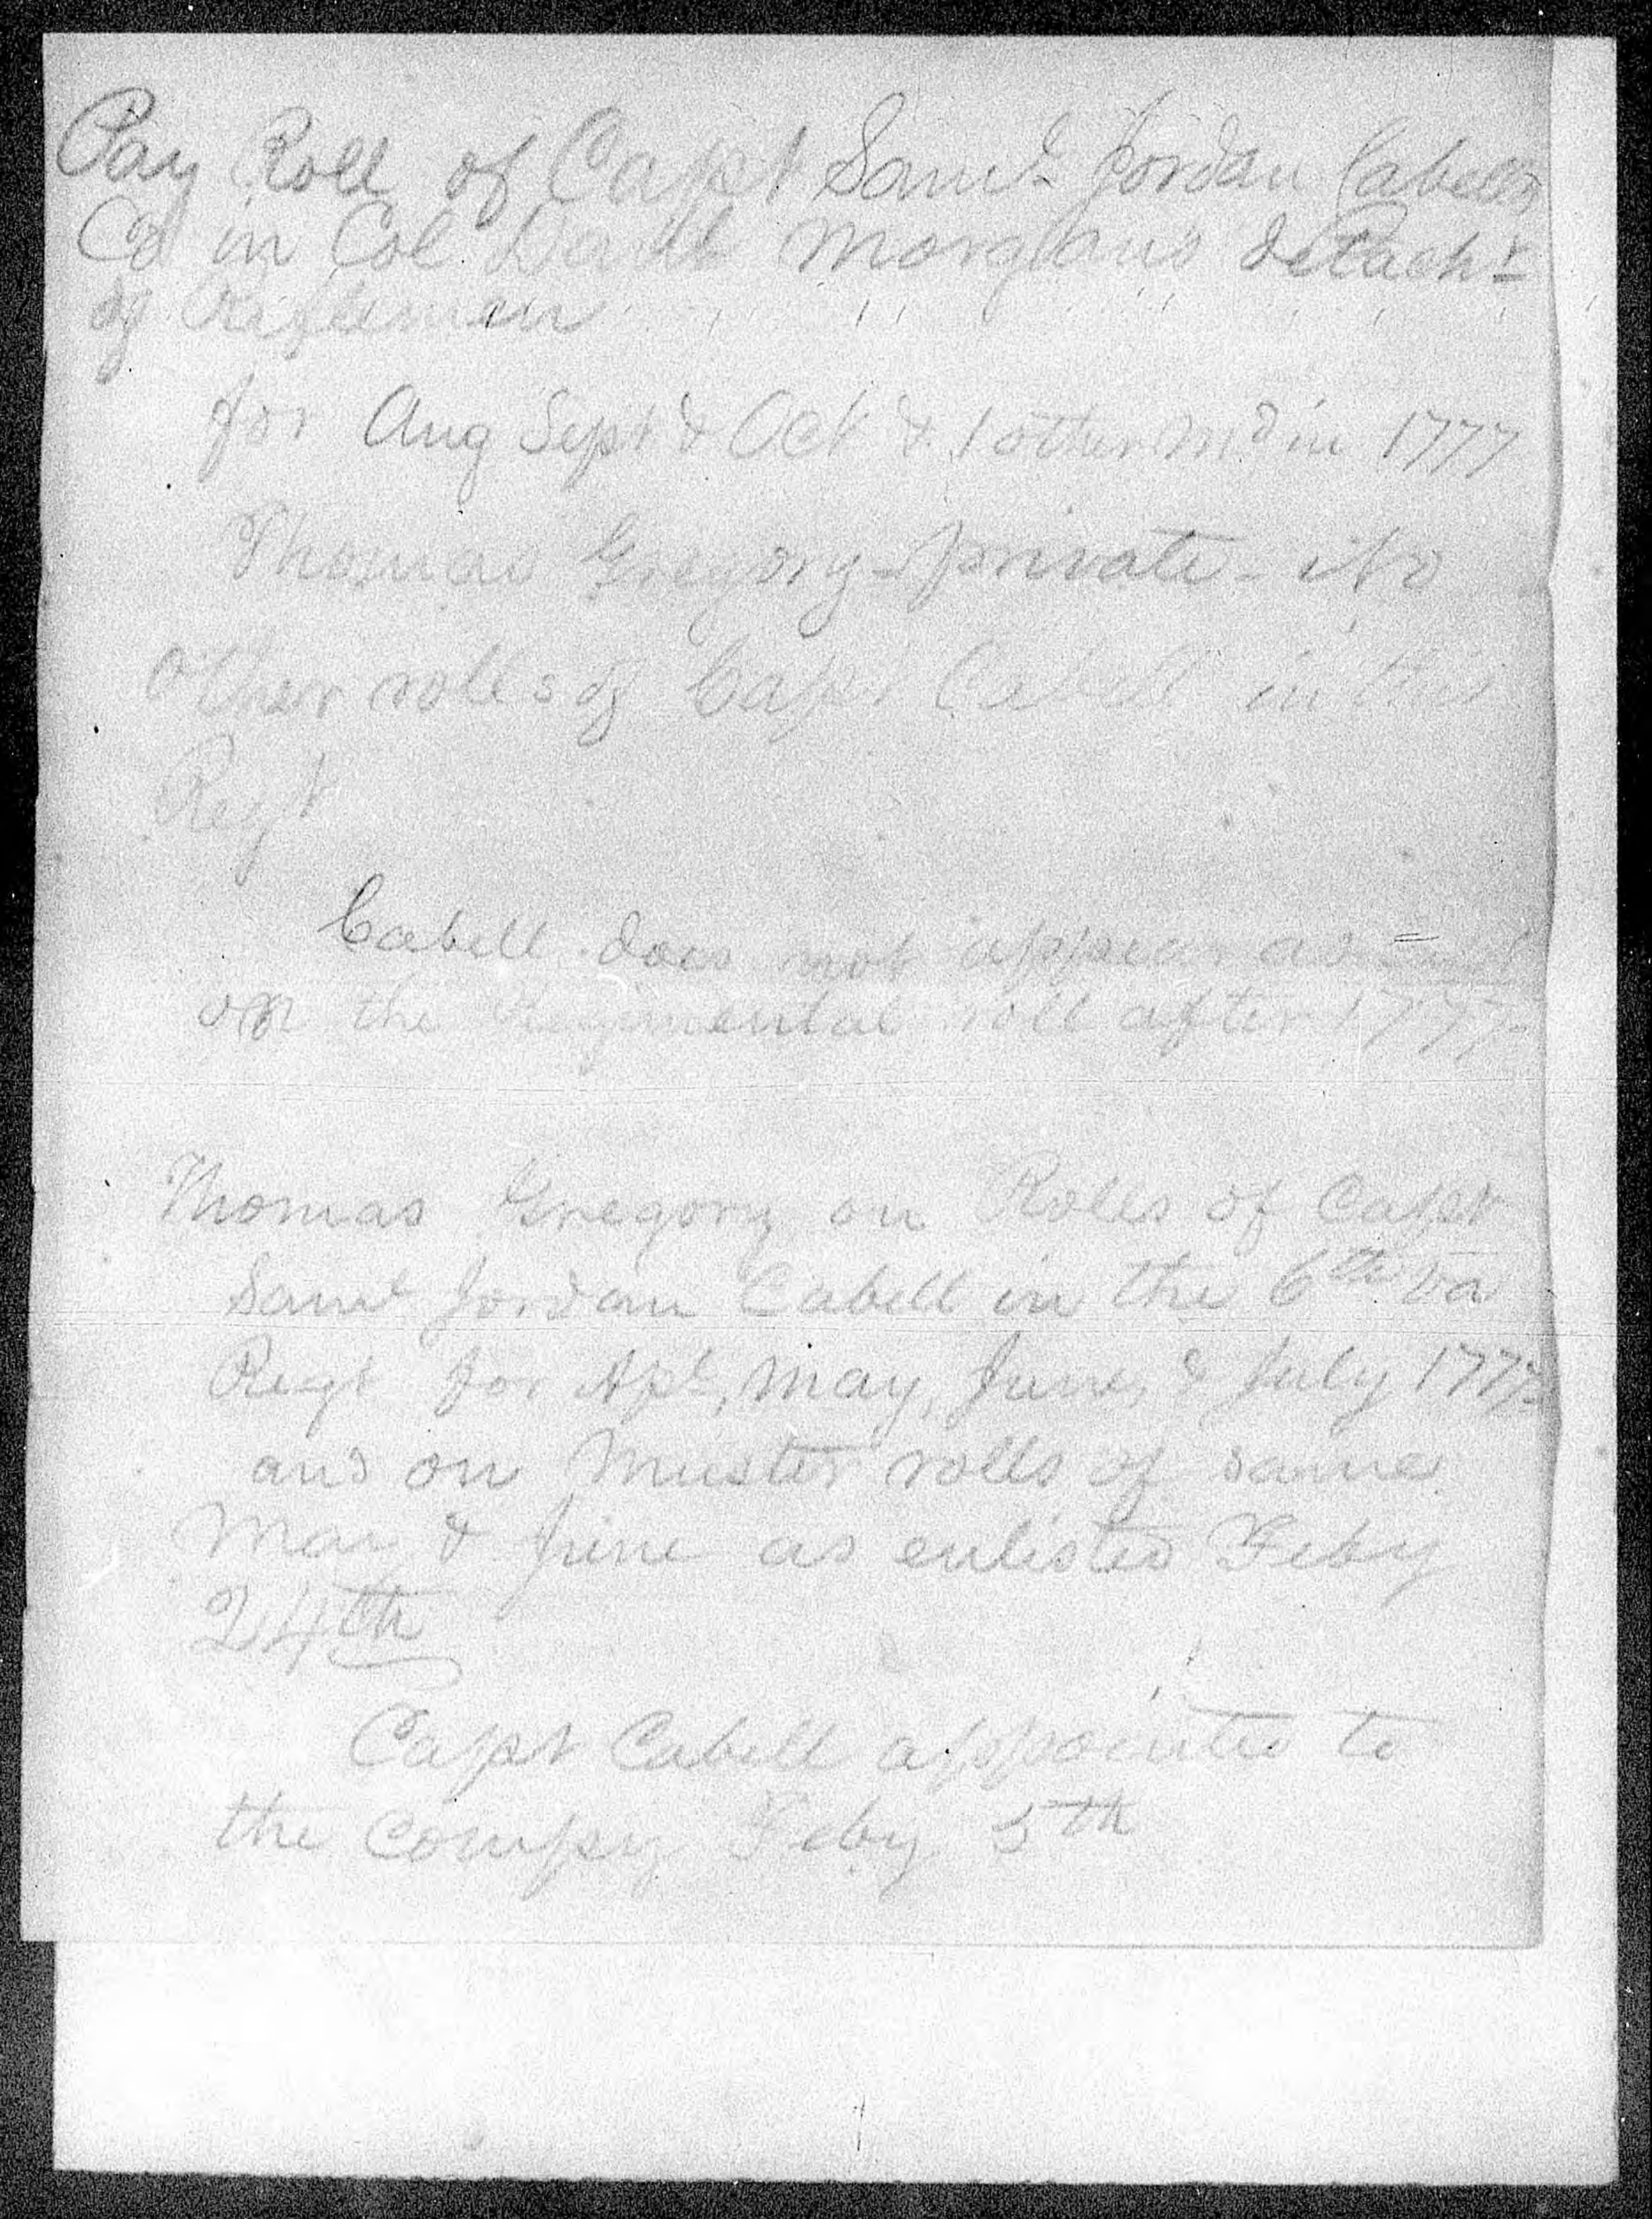Pay Roll of Capt Saml. Jordan Cabells Co in Col David Morgan's detach't. of Riflemen
for Aug Sept & Oct & 1 other mo in 1777
Thomas Gregory private-No other rolls of Capt Cabell in this Regt.
Cabell does not appear as [?] on the Regimental roll after 1777
Thomas Gregory on Rolls of Capt. Sam'l. Jordan Cabell in the 6th Va Regt for Apl, May, June, & July 1777 and on Muster rolls of same Mar & June as enlisted Feby 24th.
Capt Cabell appointed to the compy Feby 5th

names: Cabell, Cabell, Saml Jordan Cabell, David Morgan, Saml Jordan Cabell, Cabell, Thomas Gregory, Thomas Gregory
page: 21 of 75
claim: widow's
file: W. 8876, Thomas Gregory, Continental Va